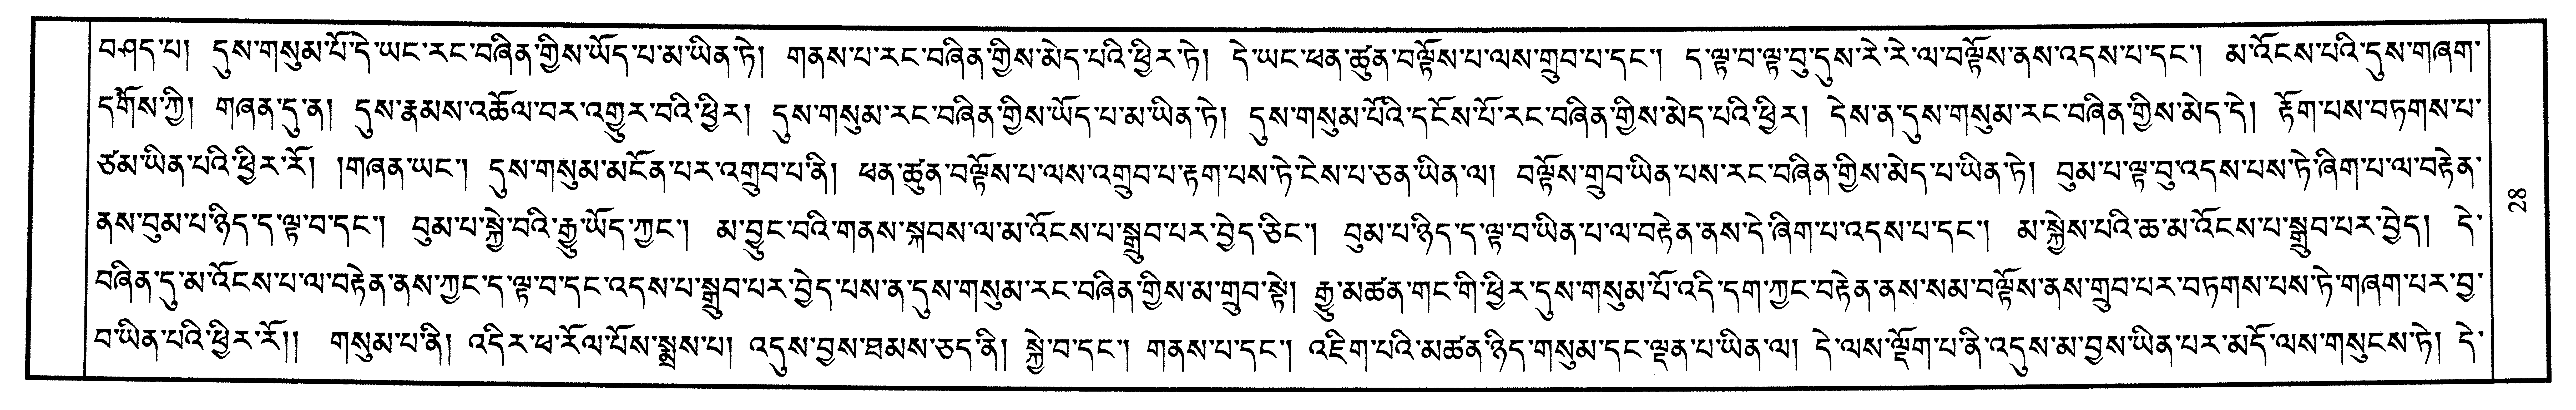བཤད་པ། དུས་གསུམ་པོ་དེ་ཡང་རང་བཞིན་གྱིས་ཡོད་པ་མ་ཡིན་ཏེ། གནས་པ་རང་བཞིན་གྱིས་མེད་པའི་ཕྱིར་ཏེ། དེ་ཡང་ཕན་ཚུན་བལྟོས་པ་ལས་གྲུབ་པ་དང་། ད་ལྟ་བ་ལྟ་བུ་དུས་རེ་རེ་ལ་བལྟོས་ནས་འདས་པ་དང་། མ་འོངས་པའི་དུས་གཞག་
དགོས་ཀྱི། གཞན་དུ་ན། དུས་རྣམས་འཆོལ་བར་འགྱུར་བའི་ཕྱིར། དུས་གསུམ་རང་བཞིན་གྱིས་ཡོད་པ་མ་ཡིན་ཏེ། དུས་གསུམ་པོའི་དངོས་པོ་རང་བཞིན་གྱིས་མེད་པའི་ཕྱིར། དེས་ན་དུས་གསུམ་རང་བཞིན་གྱིས་མེད་དེ། རྟོག་པས་བཏགས་པ་
ཙམ་ཡིན་པའི་ཕྱིར་རོ། །གཞན་ཡང་། དུས་གསུམ་མངོན་པར་འགྲུབ་པ་ནི། ཕན་ཚུན་བལྟོས་པ་ལས་འགྲུབ་པ་རྟག་པས་ཏེ་ངེས་པ་ཅན་ཡིན་ལ། བལྟོས་གྲུབ་ཡིན་པས་རང་བཞིན་གྱིས་མེད་པ་ཡིན་ཏེ། བུམ་པ་ལྟ་བུ་འདས་པས་ཏེ་ཞིག་པ་ལ་བརྟེན་
ནས་བུམ་པ་ཉིད་ད་ལྟ་བ་དང་། བུམ་པ་སྐྱེ་བའི་རྒྱུ་ཡོད་ཀྱང་། མ་བྱུང་བའི་གནས་སྐབས་ལ་མ་འོངས་པ་སྒྲུབ་པར་བྱེད་ཅིང་། བུམ་པ་ཉིད་ད་ལྟ་བ་ཡིན་པ་ལ་བརྟེན་ནས་དེ་ཞིག་པ་འདས་པ་དང་། མ་སྐྱེས་པའི་ཆ་མ་འོངས་པ་སྒྲུབ་པར་བྱེད། དེ་
བཞིན་དུ་མ་འོངས་པ་ལ་བརྟེན་ནས་ཀྱང་ད་ལྟ་བ་དང་འདས་པ་སྒྲུབ་པར་བྱེད་པས་ན་དུས་གསུམ་རང་བཞིན་གྱིས་མ་གྲུབ་སྟེ། རྒྱུ་མཚན་གང་གི་ཕྱིར་དུས་གསུམ་པོ་འདི་དག་ཀྱང་བརྟེན་ནས་སམ་བལྟོས་ནས་གྲུབ་པར་བཏགས་པས་ཏེ་གཞག་པར་བྱ་
བ་ཡིན་པའི་ཕྱིར་རོ།། གསུམ་པ་ནི། འདིར་ཕ་རོལ་པོས་སྨྲས་པ། འདུས་བྱས་ཐམས་ཅད་ནི། སྐྱེ་བ་དང་། གནས་པ་དང་། འཇིག་པའི་མཚན་ཉིད་གསུམ་དང་ལྡན་པ་ཡིན་ལ། དེ་ལས་ལྡོག་པ་ནི་འདུས་མ་བྱས་ཡིན་པར་མདོ་ལས་གསུངས་ཏེ། དེ་